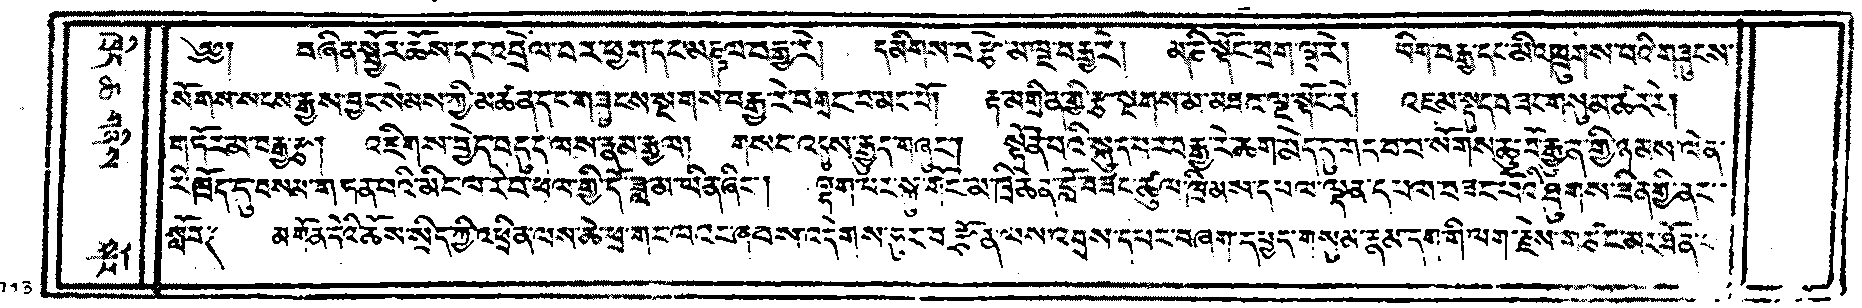༄༅། །བཞིན་སྦྱོར་ཆོས་དང་འབྲེལ་བར་ཕྱག་དང་མཎྜལ་བརྒྱ་རེ། དམིགས་བརྩེ་མ་ལྔ་བརྒྱ་རེ། མ་ཎི་སྟོང་ཕྲག་ལྔ་རེ། ཡིག་བརྒྱ་དང་མི་འཁྲུགས་པའི་གཟུངས་
སོགས་སངས་རྒྱས་བྱང་སེམས་ཀྱི་མཚན་དང་གཟུངས་སྔགས་བརྒྱ་རེ་བགྲང་བ་མང་པོ། རྟ་མགྲིན་གྱི་རྩ་སྔགས་མ་མཐའ་ལྔ་སྟོང་རེ། འཇམ་སྡུད་བཟང་གསུམ་ཚར་རེ།
གཏོར་མ་བརྒྱ་རྩ། འཇིགས་བྱེད་བདུད་ལས་རྣམ་རྒྱལ། གསང་འདུས་རྒྱུད་གཞུང་། སྟོན་པའི་སྐུ་དཔར་བརྒྱ་རེ་ཆག་མེད་དུ་གདབ་པ་སོགས་ཆུ་བོ་རྒྱུན་གྱི་ཉམས་ལེན་
རི་ཁྲོད་དུ་བསམ་གཏན་པའི་མིང་ལ་རེ་བ་ཕལ་གྱི་དོ་ཟླ་མ་ཡིན་ཞིང་། ལྷག་པར་སྐུ་གོང་མ་ཁྲི་ཆེན་བློ་བཟང་ཚུལ་ཁྲིམས་དཔལ་ལྡན་དཔལ་བཟང་པོའི་ཐུགས་ཟིན་གྱི་ནང་
སློབ༑ མགོན་དེའི་ཆོས་སྲིད་ཀྱི་འཕྲིན་ལས་ཆེ་ཕྲ་གང་ལའང་ཞབས་འདེགས་ཧུར་བརྩོན་ལས་འབྲས་དཔང་བཞག་དཔྱད་གསུམ་རྣམ་དག་གི་ལག་རྗེས་གཙང་མར་ཐོན་པ་